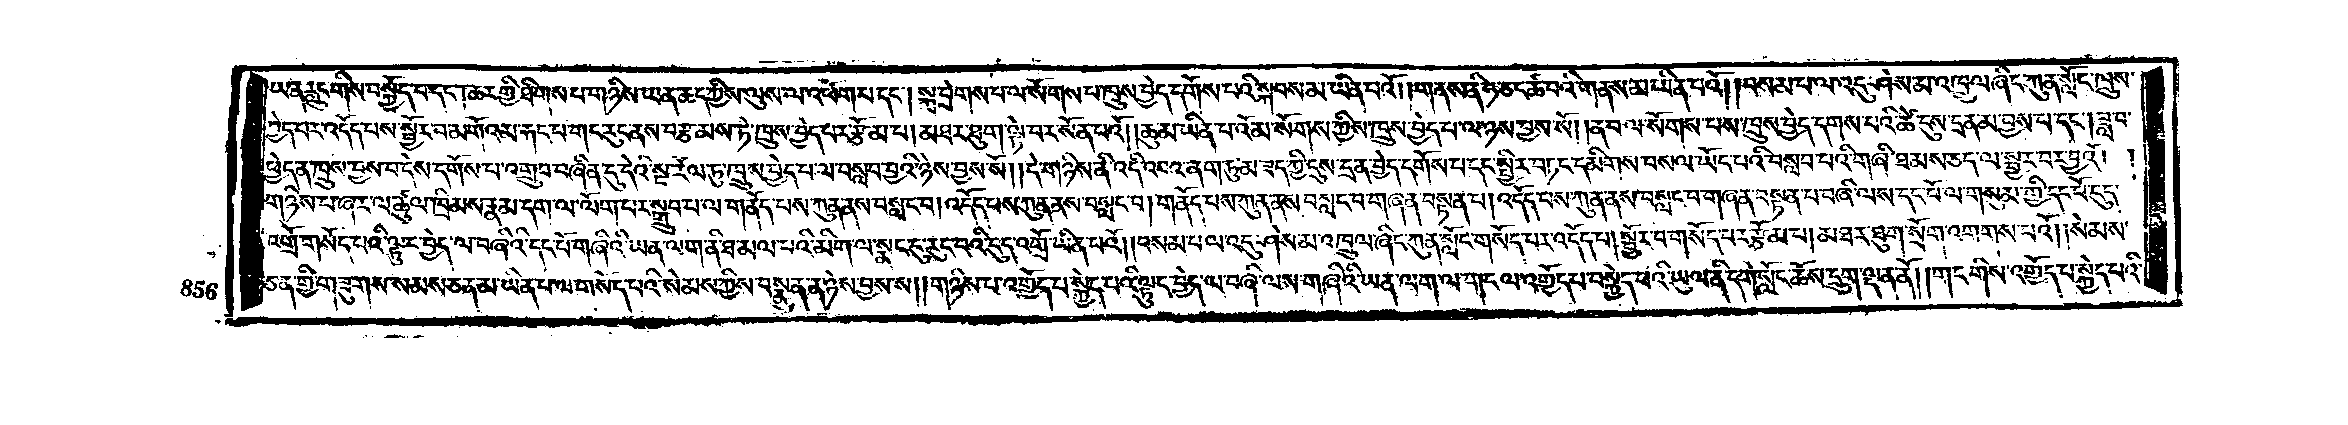ཡན་རླུང་གིས་བསྐྱོད་པ་དང་། ཆར་གྱི་ཐིགས་པ་གཉིས་ཡན་ཆད་ཀྱིས་ལུས་ལ་འཕོག་པ་དང་། སྐྲ་བྲེགས་པ་ལ་སོགས་པ་ཁྲུས་བྱེད་དགོས་པའི་སྐབས་མ་ཡིན་པའོ། །གནས་ནི་ཧ་ཅང་ཚ་བའི་གནས་མ་ཡིན་པའོ། །བསམ་པ་ལ་འདུ་ཤེས་མ་འཁྲུལ་ཞིང་ཀུན་སློང་ཁྲུས་
བྱེད་པར་འདོད་པས་སྦྱོར་བ་མགོའམ་རྐང་པ་གང་རུང་ནས་བརྩམས་ཏེ་ཁྲུས་བྱེད་པར་རྩོམ་པ། མཐར་ཐུག་ལྟེ་བར་སོན་པའོ། །ཆུ་མ་ཡིན་པ་འོ་མ་སོགས་ཀྱིས་ཁྲུས་བྱེད་པ་ལ་ཉས་བྱས་སོ། །ན་བ་ལ་སོགས་པས་ཁྲུས་བྱེད་དགས་པའི་ཚེ་དུས་དྲན་མ་བྱས་པ་དང་། ཟླ་བ་
ཕྱེད་ན་ཁྲུས་བྱས་པ་དེས་དགོས་པ་འགྲུབ་བཞིན་དུ་དེའི་སྔ་རོལ་ཏུ་ཁྲུས་བྱེད་པ་ལ་བསླབ་བྱའི་ཉེས་བྱས་སོ། །དེ་གཉིས་ནི་འདི་འབའ་ནག་ཏུ་མ་ཟད་ཀྱི་དུས་དྲན་བྱེད་དགོས་པ་དང་སྤྱིར་བཏང་དམིགས་བསལ་ཡོད་པའི་བསླབ་པའི་གཞི་ཐམས་ཅད་ལ་སྦྱར་བར་བྱའོ། །
གཉིས་པ་ཞར་ལ་ཚུལ་ཁྲིམས་རྣམ་དག་ལ་ལོག་པར་སྒྲུབ་པ་ལ་གནོད་པས་ཀུན་ནས་བསླང་བ། འདོད་པས་ཀུན་ནས་བསླང་བ། གནོད་པས་ཀུན་ནས་བསླང་བ་གཞན་བསྟན་པ། འདོད་པས་ཀུན་ནས་བསླང་བ་གཞན་བསྟན་པ་བཞི་ལས་དང་པོ་ལ་གསུམ་གྱི་དང་པོ་དུད་
འགྲོ་གསོད་པའི་ལྟུང་བྱེད་ལ་བཞིའི་དང་པོ་གཞིའི་ཡན་ལག་ནི་ཐ་མལ་པའི་མིག་ལ་སྣང་དུ་རུང་བའི་དུད་འགྲོ་ཡིན་པའོ། །བསམ་པ་ལ་འདུ་ཤེས་མ་འཁྲུལ་ཞིང་ཀུན་སློང་གསོད་པར་འདོད་པ། སྦྱོར་བ་གསོད་པར་རྩོམ་པ། མཐར་ཐུག་སྲོག་འགགས་པའོ། །སེམས་
ཅན་གྱི་གཟུགས་སེམས་ཅན་མ་ཡིན་པ་ལ་གསོད་པའི་སེམས་ཀྱིས་བསྣུན་ན་ཉེས་བྱས་ས། །གཉིས་པ་འགྱོད་པ་སྐྱེད་པའི་ལྟུང་བྱེད་ལ་བཞི་ལས་གཞིའི་ཡན་ལག་ལ་གང་ལ་འགྱོད་པ་བསྐྱེད་པའི་ཡུལ་ནི་དགེ་སློང་ཆོས་དྲུག་ལྡན་ནོ། །གང་གིས་འགྱོད་པ་སྐྱེད་པའི་